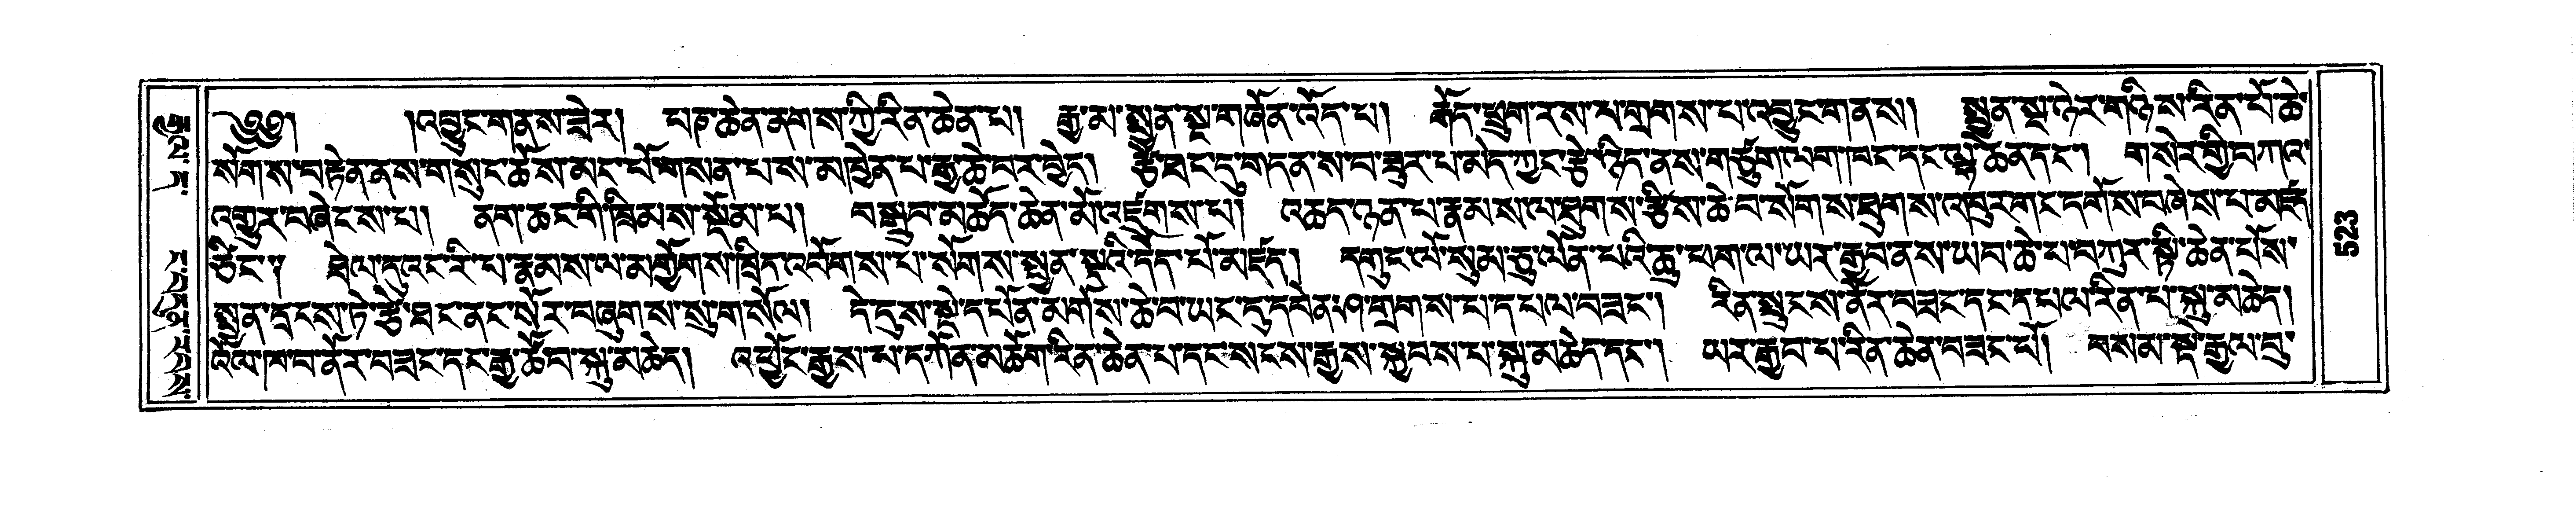༄༅། །འབྱུང་གནས་ཟེར། པཎ་ཆེན་ནགས་ཀྱི་རིན་ཆེན་པ། རྒྱ་མ་སྤྱན་སྔ་གཞོན་འོད་པ། རྒོད་ཕྲུག་རས་པ་གྲགས་པ་འབྱུང་གནས། སྤྱན་སྔ་ཉེར་གཉིས་རིན་པོ་ཆེ་
སོགས་བརྟེན་ནས་གསུང་ཆོས་མང་པོ་གསན་པས་མཁྱེན་པ་རྒྱ་ཆེ་བར་བྱེད། རྩེ་ཐང་དུ་གདན་ས་བ་ཟུར་པ་མེད་ཀྱང་རྩེ་ཉིད་ནས་གཙུག་ལག་ཁང་དང་ལྷ་ཆེན་དང་། གསེར་གྱི་བཀའ་
འགྱུར་བཞེངས་པ། ནག་ཆང་གི་ཁྲིམས་སྡོམ་པ། བསྒྲུབ་མཆོད་ཆེན་མོ་འཛུགས་པ། འཆད་ཉན་པ་རྣམས་ལ་ཐུགས་རྩིས་ཆེ་བ་སོགས་ཐུགས་འཁུར་གང་དགོས་བཞེས་པ་མཛད་
ཙིང༑ ཐེལ་དུའང་རི་པ་རྣམས་ལ་མགྱོགས་ཁྲིད་འབོགས་པ་སོགས་སྤྱན་སྔའི་དོད་པོ་མཛད། དགུང་ལོ་སུམ་ཅུ་ལོན་པའི་ཆུ་ཕག་ལ་ཡར་རྒྱབ་ནས་ཡབ་ཆེ་པ་བཀུར་སྟི་ཆེན་པོས་
སྤྱན་དྲངས་ཏེ་རྩེ་ཐང་ནང་སོར་བཞུགས་སུ་གསོལ། དེ་དུས་སྡེ་དཔོན་མགོས་ཆེ་བ་ཡང་དུ་དབེན་ཤ་གྲགས་པ་དཔལ་བཟང་། རིན་སྤུངས་ནོར་བཟང་དང་དཔལ་རིན་པོ་སྐུ་མཆེད།
འོལ་ཁ་བ་ནོར་བཟང་དང་རྒྱ་ཚོ་བ་སྐུ་མཆེད། འཕྱོང་རྒྱས་པ་དཀོན་མཆོག་རིན་ཆེན་པ་དང་སངས་རྒྱས་སྐྱབས་པ་སྐུ་མཆེད་དང་། ཡར་རྒྱབ་པ་རིན་ཆེན་བཟང་པོ། བསམ་སྡེ་རྒྱལ་བུ་